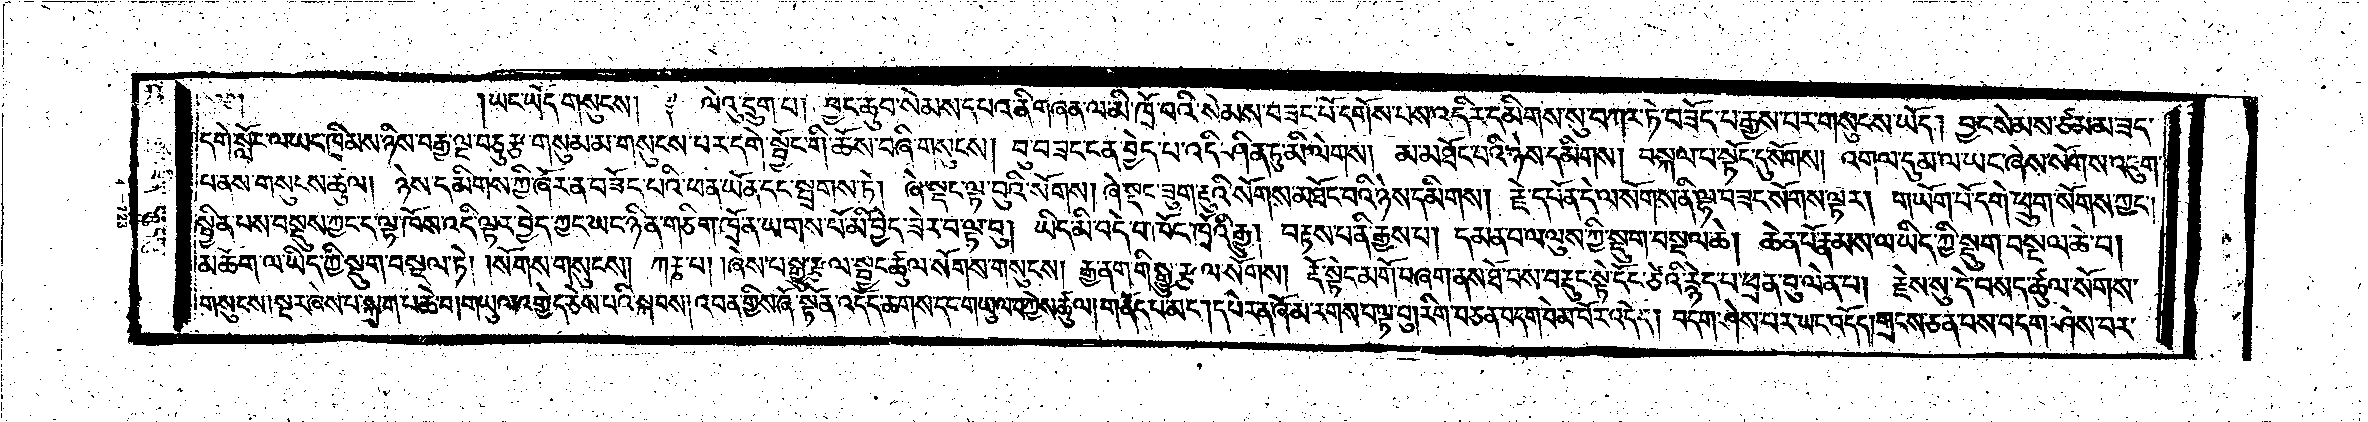༄༅། །ཡང་ཡོད་གསུངས། ༈ ལེའུ་དྲུག་པ། བྱང་ཆུབ་སེམས་དཔའ་ནི་གཞན་ལ་མི་ཁྲོ་བའི་སེམས་བཟང་པོ་དགོས་པས་འདིར་དམིགས་སུ་བཀར་ཏེ་བཟོད་པ་རྒྱས་བར་གསུངས་ཡོད། བྱང་སེམས་ཙམ་མ་ཟད་
དགེ་སློང་ལ་ཡང་ཁྲིམས་ཉིས་བརྒྱ་ལྔ་བཅུ་རྩ་གསུམ་མ་གསུངས་པར་དགེ་སྦྱོང་གི་ཆོས་བཞི་གསུངས། བུ་བཟང་ངན་བྱེད་པ་འདི་ཤིན་ཏུ་མི་ལེགས། མ་མཐོང་བའི་ཉེས་དམིགས། བསྐལ་པ་སྟོང་དུ་སོགས། འགལ་དུ་མ་ལ་ཡང་ཞེས་སོགས་འདུག་
པ་ནས་གསུངས་ཚུལ། ཉེས་དམིགས་ཀྱི་ཞོར་ན་བཟོད་པའི་ཕན་ཡོན་དང་སྦྲགས་ཏེ། ཞེ་སྡང་ལྟ་བུའི་སོགས། ཞེ་སྡང་ཟུག་རྔུའི་སོགས་མཐོང་བའི་ཉེས་དམིགས། རྗེ་དཔོན་དེ་ལ་སོགས་ནི་ལྷ་བཟང་སོགས་ལྟར། གཡོག་པོ་དགེ་ཕྲུག་སོགས་ཀྱང་།
སྦྱིན་པས་བསྡུས་ཀྱང་ད་ལྟ་ཁོས་འདི་ལྟར་བྱེད་ཀྱང་ཡང་ཉིན་གཅིག་ཁྲོ་ན་ཡགས་པོ་མི་བྱེད་ཟེར་བ་ལྟ་བུ། ཡིད་མི་བདེ་བ་ཁོང་ཁྲོའི་རྒྱུ། བརྟས་པ་ནི་རྒྱས་པ། དམན་པ་ལ་ལུས་ཀྱི་སྡུག་བསྔལ་ཆེ། ཆེན་པོ་རྣམས་ལ་ཡིད་ཀྱི་སྡུག་བསྔལ་ཆེ་བ།
མཆོག་ལ་ཡིད་ཀྱི་སྡུག་བསྔལ་ཏེ། །སོགས་གསུངས། ཀརྞ་པ། །ཞེས་པ་སྒྱུ་རྩལ་སྦྱང་ཚུལ་སོགས་གསུངས། རྒྱ་ནག་གི་སྒྱུ་རྩལ་སོགས། རྡོ་སྟེང་མགོ་བཞག་ནས་ཐོ་བས་བརྡུང་སྟེ་དོང་ཙེའི་རྙེད་པ་ཕྲན་བུ་ལོན་པ། རྗེས་སུ་དེ་བསད་ཚུལ་སོགས་
གསུངས། སྔར་ཞེས་པ་སྐུག་པ་ཆེ་བ་།གཡུལ་འགྱེད་ཅེས་པའི་སྐབས། འབན་གྱིས་ཞོ་སྟོན་འདོད་ཆགས་དང་གཡུལ་བཀྱེས་ཚུལ། གནོད་པ་མང་།དཔེར་ན་ཞོ་མ་རགས་པ་ལྟ་བུ། རིག་བཅན་བདག་བེམ་བོར་འདོད། བདག་ཤེས་པར་ཡང་འདོད། གྲངས་ཅན་བས་བདག་ཤེས་པར་